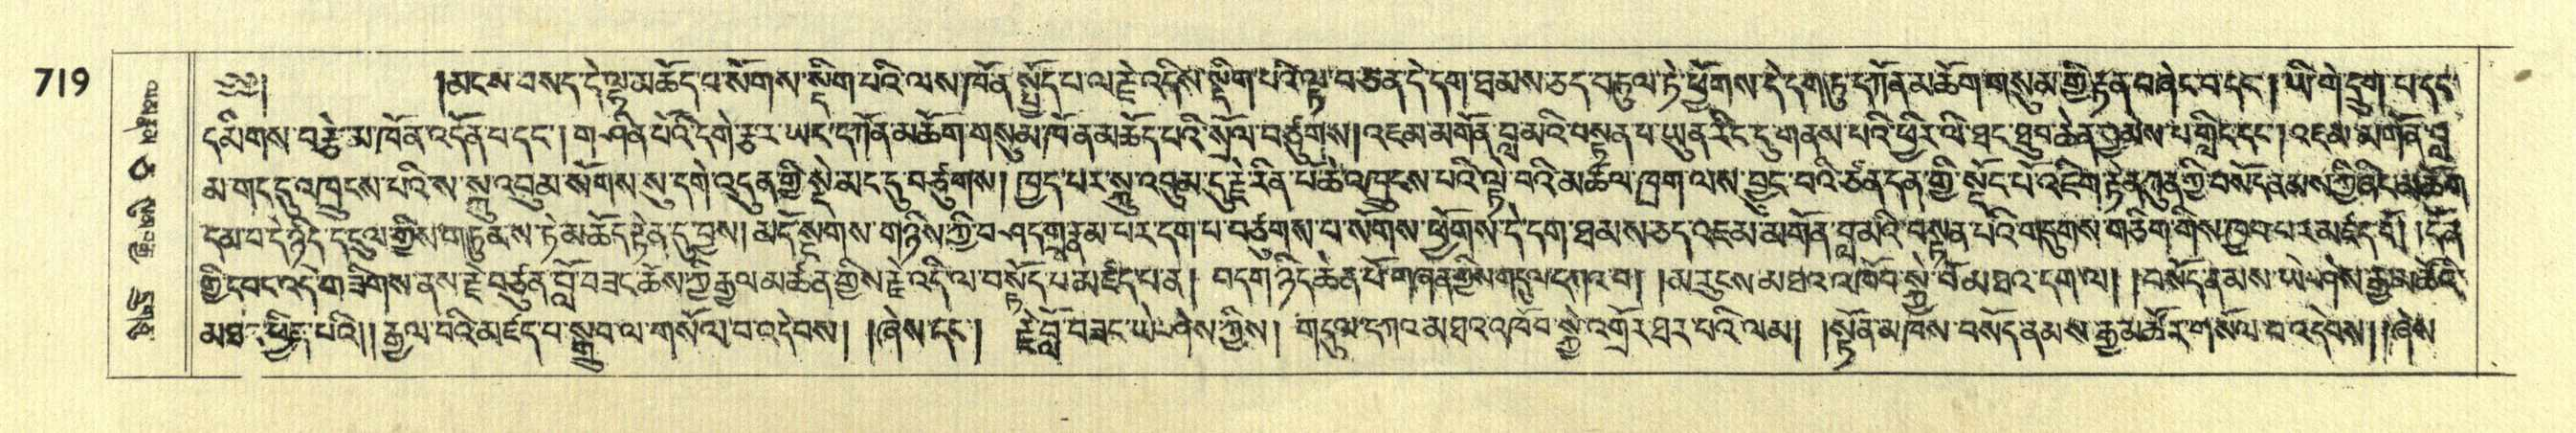༄༅། །མངས་བསད་དེ་ལྷ་མཆོད་པ་སོགས་སྡིག་པའི་ལས་ཁོ་ན་སྤྱོད་པ་ལ་རྗེ་འདིས་སྡིག་པའི་ལྟ་བ་ཅན་དེ་དག་ཐམས་ཅད་བཏུལ་ཏེ་ཕྱོགས་དེ་དག་ཏུ་དཀོན་མཆོག་གསུམ་གྱི་རྟན་བཞེང་བ་དང་། ཡི་གེ་དྲུག་པ་དང་
དམིགས་བརྩེ་མ་ཁོན་འདོན་པ་དང་། གཤིན་པོའི་དགེ་རྩར་ཡང་དཀོན་མཆོག་གསུམ་ཁོ་ན་མཆོད་པའི་སྲོལ་བཙུགས། འཇམ་མགོན་བླ་མའི་བསྟན་པ་ཡུན་རིང་དུ་གནས་པའི་ཕྱིར་ལི་ཐང་ཐུབ་ཆེན་བྱམས་པ་གླིང་དང་། འཇམ་མགོན་བླ་
མ་གང་དུ་འཁྲུངས་པའི་ས་སྐུ་འབུམ་སོགས་སུ་དགེ་འདུན་གྱི་སྡེ་མང་དུ་བཙུགས། ཁྱད་པར་སྐུ་འབུམ་དུ་རྗེ་རིན་པོ་ཆེ་འཁྲུངས་པའི་ལྟེ་བའི་མཚལ་ཁྲག་ལས་བྱུང་བའི་ཙན་དམ་གྱི་སྡོང་པོ་འཇིག་རྟེན་ཀུན་གྱི་བསོད་ནམས་ཀྱི་ཞིང་མཆོག་
དམ་པ་དེ་ཉིད་དངུལ་གྱིས་གཏུམས་ཏེ་མཆོད་རྟེན་དུ་བྱས། མདོ་སྔགས་གཉིས་ཀྱི་བཤད་གྲྭ་རྣམ་པར་དག་པ་བཙུགས་པ་སོགས་ཕྱོགས་དེ་དག་ཐམས་ཅད་འཇམ་མགོན་བླ་མའི་བསྟན་པའི་གདུགས་གཅིག་གིས་ཁྱབ་པར་མཛད་དོ། །དོན་
གྱི་དབང་འདི་གཟིགས་ནས་རྗེ་བཙུན་བློ་བཟང་ཆོས་ཀྱི་རྒྱལ་མཚན་གྱིས་རྗེ་འདི་ལ་བསྟོད་པ་མཛད་པ་ན། བདག་ཉིད་ཆེན་པོ་གཞན་གྱིས་གདུལ་དཀའ་བ། །མ་རུངས་མཐའ་འཁོབ་སྐྱེ་བོ་མཐའ་དག་ལ། །བསོད་ནམས་ཡེ་ཤེས་རྒྱ་མཚོའི་
མཐའ་ཕྱིན་པའི། །རྒྱལ་བའི་མཛད་པ་སྒྲུབ་ལ་གསོལ་བ་འདེབས། །ཞེས་དང་། རྗེ་བློ་བཟང་ཡེ་ཤེས་ཀྱིས། གདུལ་དཀའ་མཐའ་འཁོབ་སྐྱེ་འགྲོར་ཐར་པའི་ལམ། །སྟོན་མཁས་བསོད་ནམས་རྒྱ་མཚོར་གསོལ་བ་འདེབས། །ཞེས་